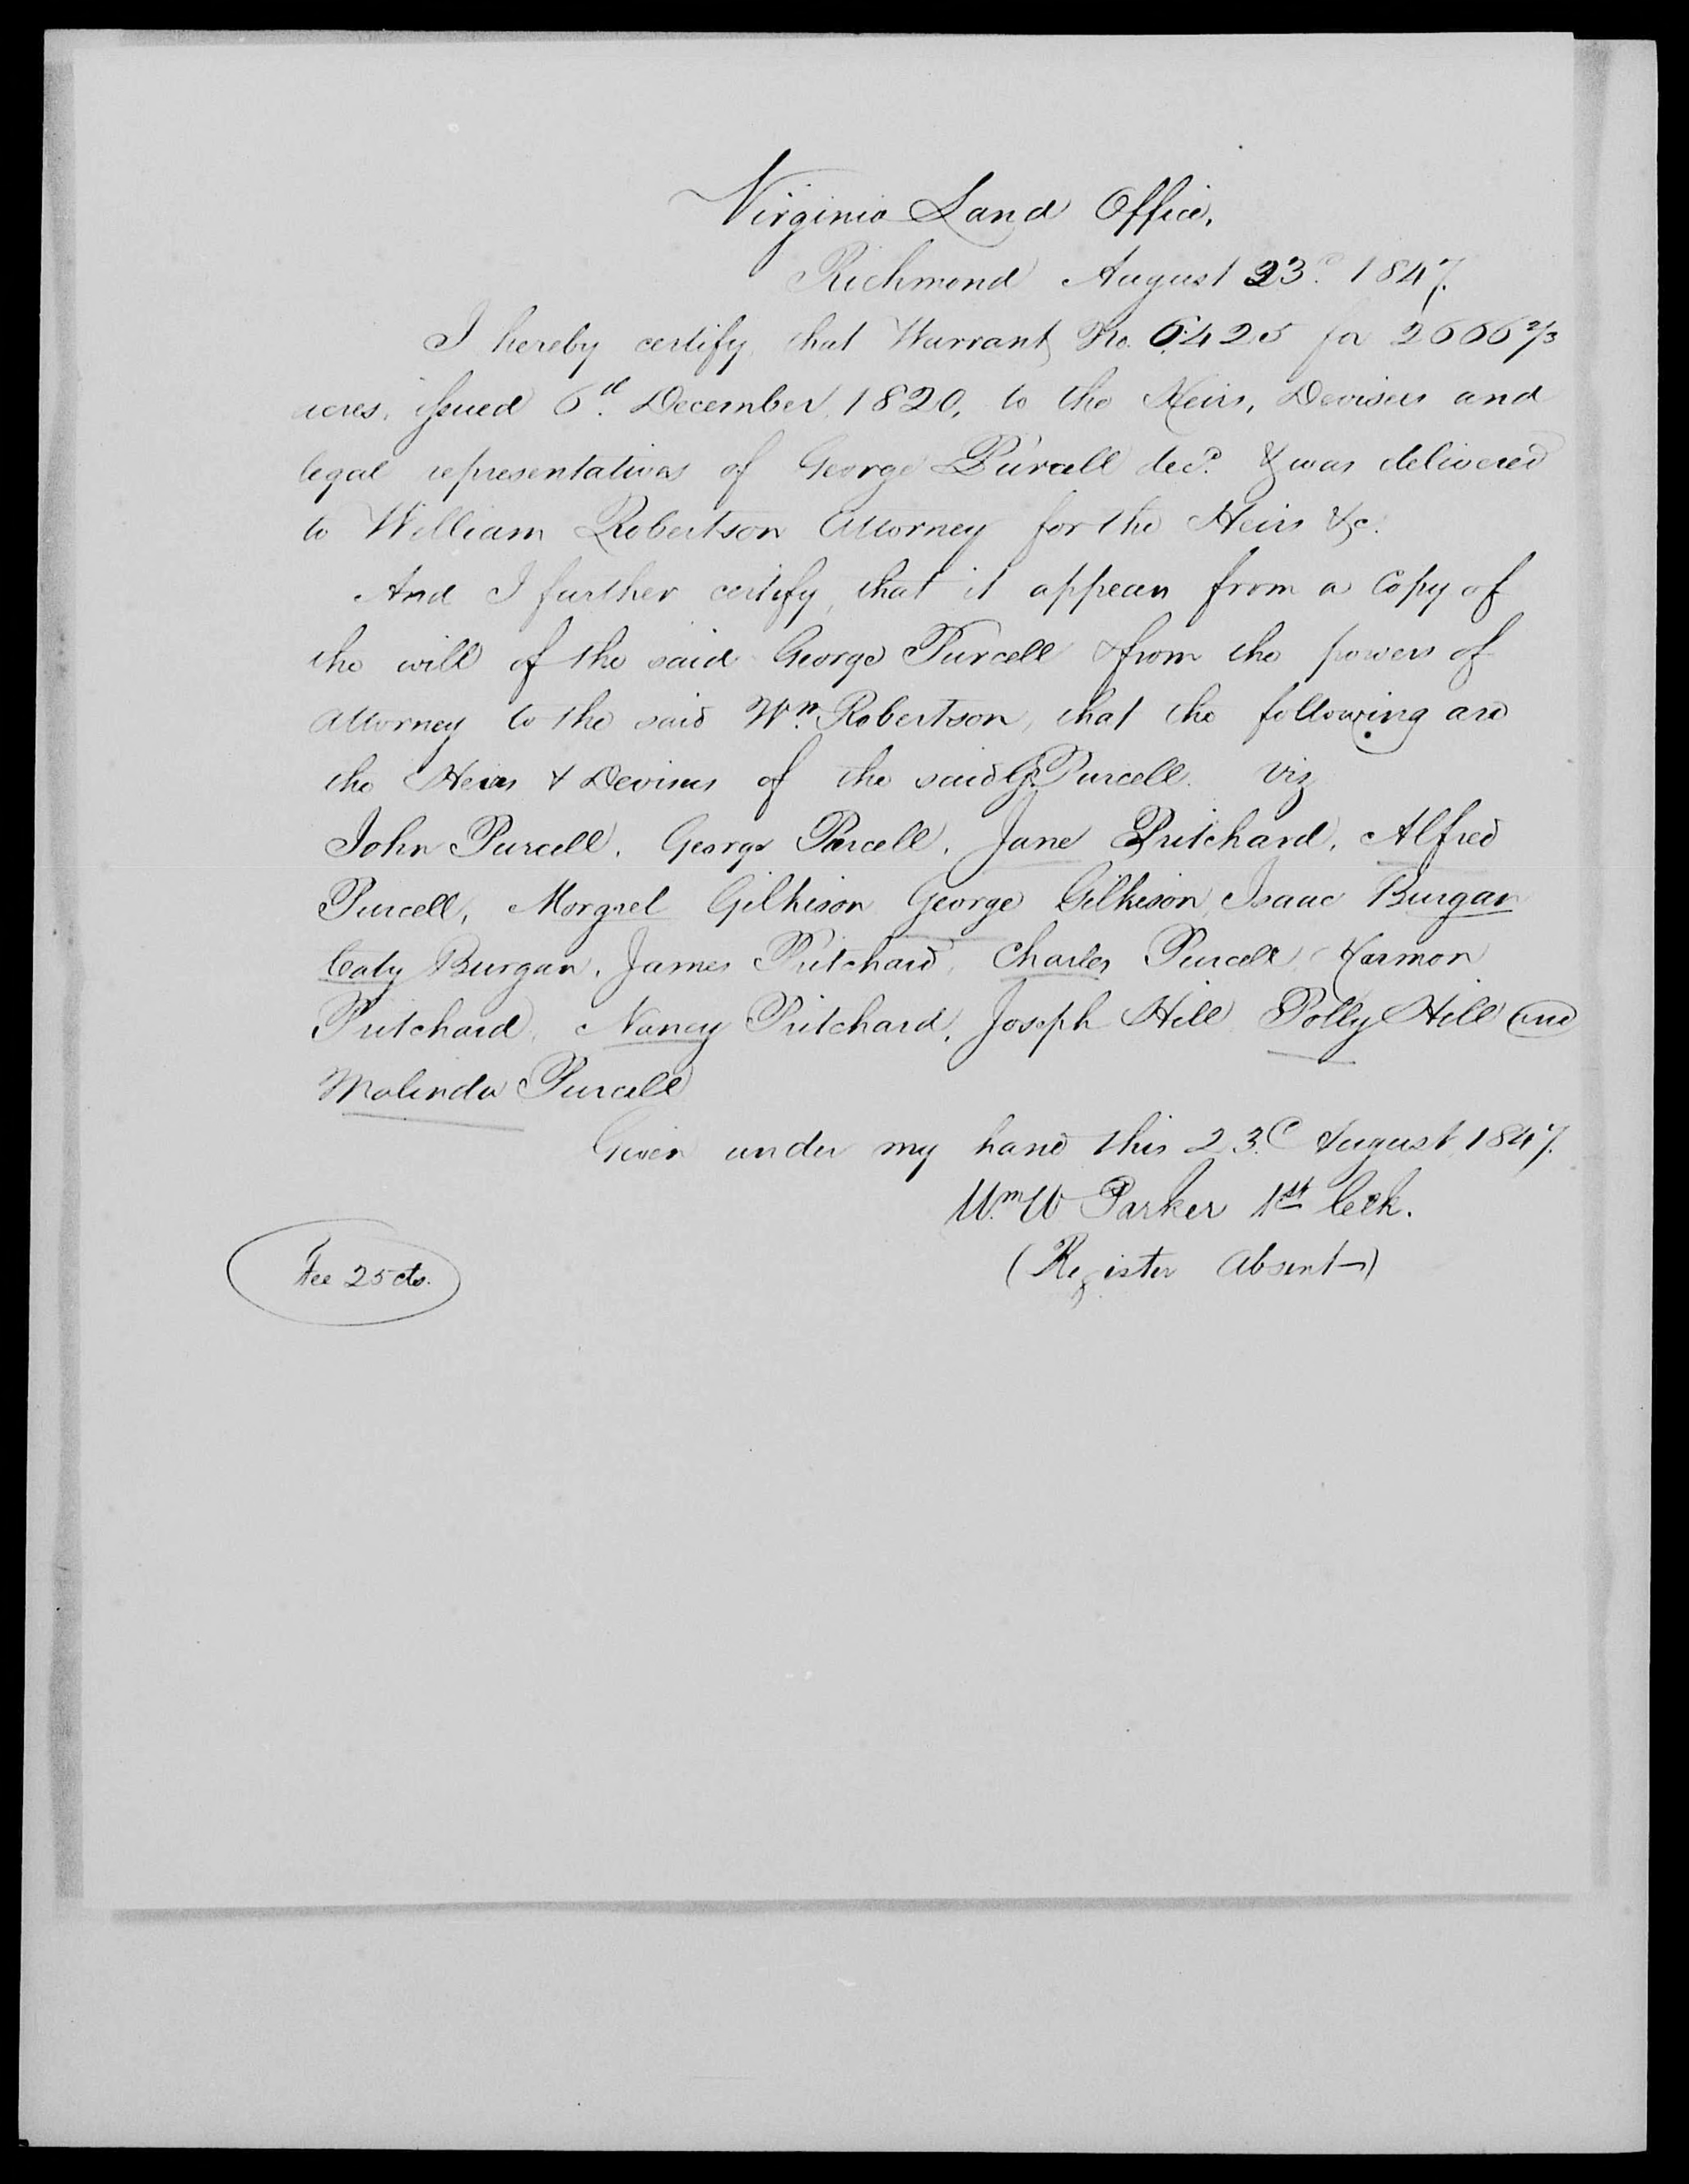Virginia Land Office, Richmond August 23d. 1847.
I hereby certify, that Warrant No. 6,425 for 2666 2/3 acres, issued 6th. December. 1820, to the Heirs, Devisees and legal representatives of George Purcell decd. & was delivered to William Robertson Attorney for the Heirs &c.
And I further certify, that it appears from a copy of the will of the said George Purcell from the powers of attorney to the said Wm Robertson, that the following are the Heirs & Devisees of the sad G. Purcell viz John Purcell, George Purcell, Jane Pritchard, Alfred Purcell, Margret Gilkison George Gilkison Isaac Burgar Caty Burgan, James Pritchard, Charles Purcell Harmon Pritchard Nancy Pritchard, Joseph Hill Polly Hill and Malinda Purcell
Given under my hand this 23d August 1847 Wm W Parker 1st Clerk. (Register absent)
Fee 25 cts.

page: 17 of 86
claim: widow's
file: W. 6661, for George Purcell, Virginia